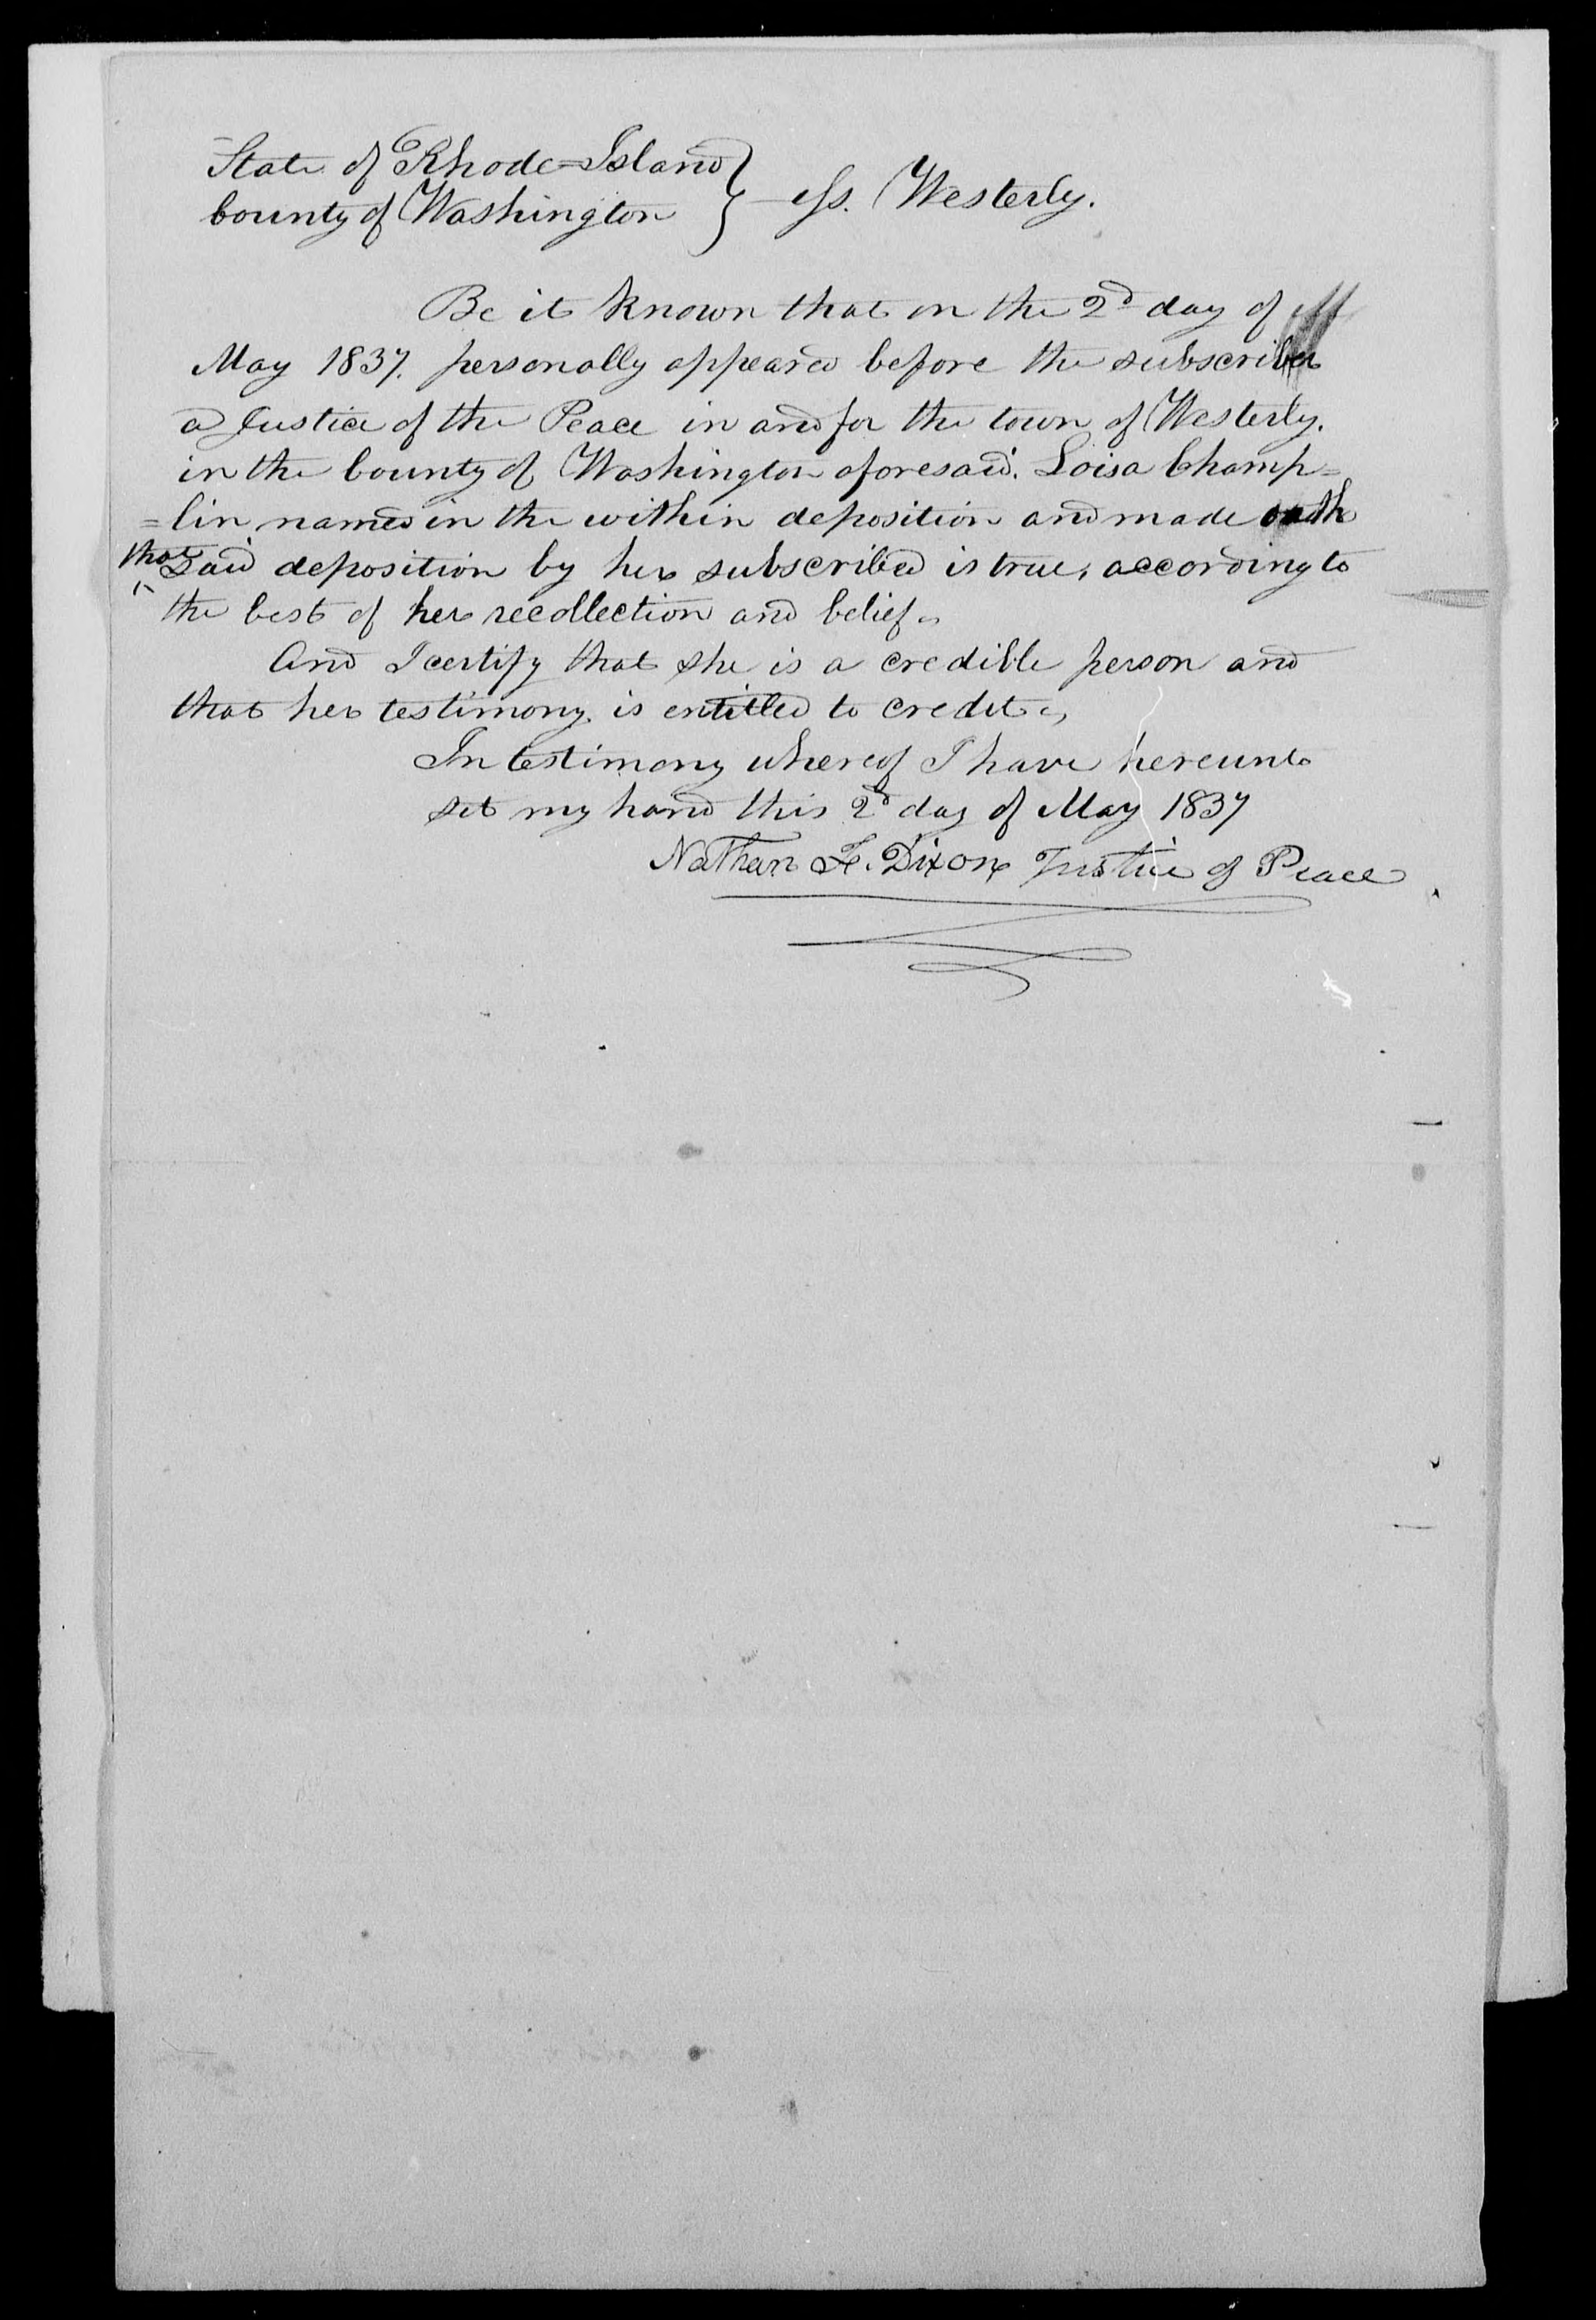State of Rhode-Island County of Washington ss. Westerly
Be it known that on the 2d day of May 1837, personally appeared before the subscriber a Justice of the Peace in and for the town of Westerly, in the county of Washington aforesaid, Loisa Champlin named in the within deposition and made oath that said deposition by her subscribed is true, according to the best of her recollection and belief.
And I certify that she is a credible person and that her testimony is entitled to credit.
In testimony whereof I have hereunto set my hand this 2d day of May 1837
Nathan F. Dixon, Justice of Peace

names: Nathan F Dixon, Loisa Champlin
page: 44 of 48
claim: widow's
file: W. 17,628, Arnold Clarke, R.I.